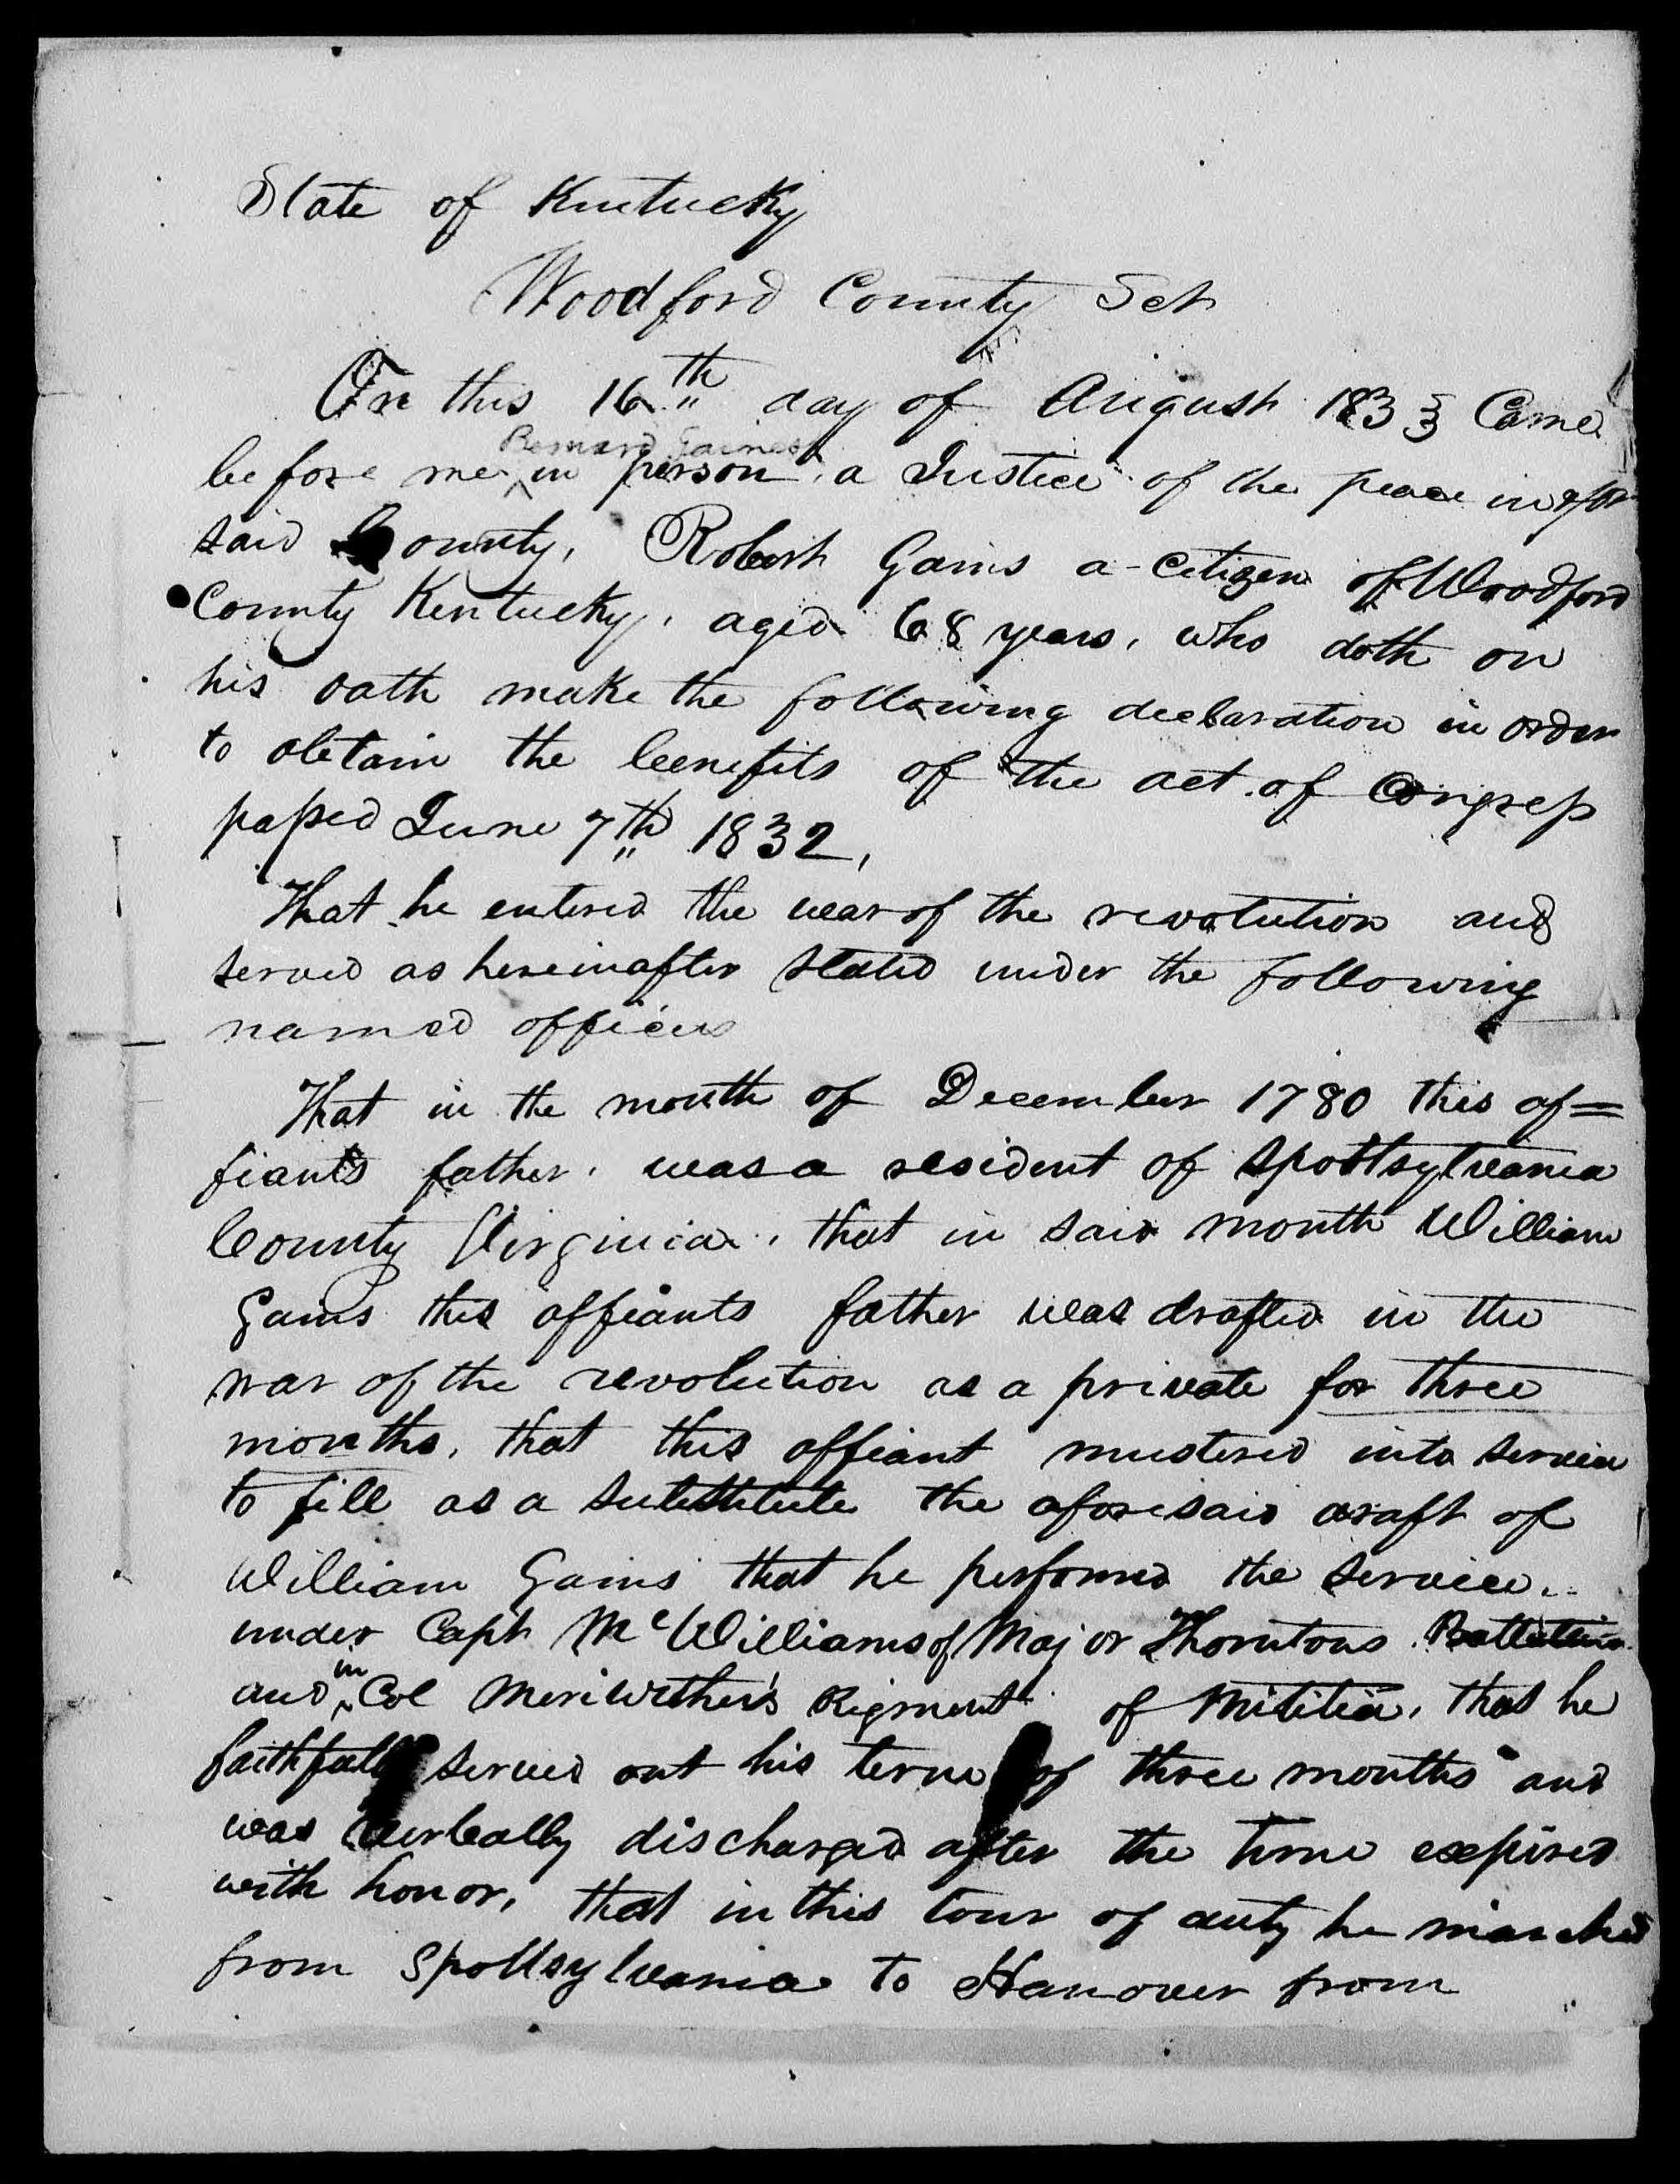State of Kentucky
Woodford County Sch
On this 16th day of August 1833 Came
before me Bernard Gaines in person a Justice of the peace inforesaid
County, Robert Gaines a citizen of Woodford
County Kentucky, aged 68 years, who doth on
his oath make the following declaration in order
to obtain the benefits of the act of Congress
passed June 7th 1832,
That he entered the war of the revolution and
served as hereinafter stated under the following
named officers
That in the month of December 1780 this affiant's
father, was a resident of Spotsylvania
County Virginia, that in said month William
Gains this affiants father was drafted in the
war of the revolution as a private for three
months, that this affiant mustered into service
to fill as a substitute the aforesaid draft of
William Gains that he performed the service
under Capt McWilliams of Major Thornton Battalion
and in Col Meriwether's Regiment of Militia, that he
faithfully served out his term of three months and
was verbally discharged after the time expired
with honor, that in this tour of duty he marched
from Spotsylvania to Hanover from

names: William Gains, William Gaines, Robert Gaines, Mc Williams, Bernard Gaines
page: 4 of 79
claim: rejected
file: R. 3863, Robert Gaines, Va.